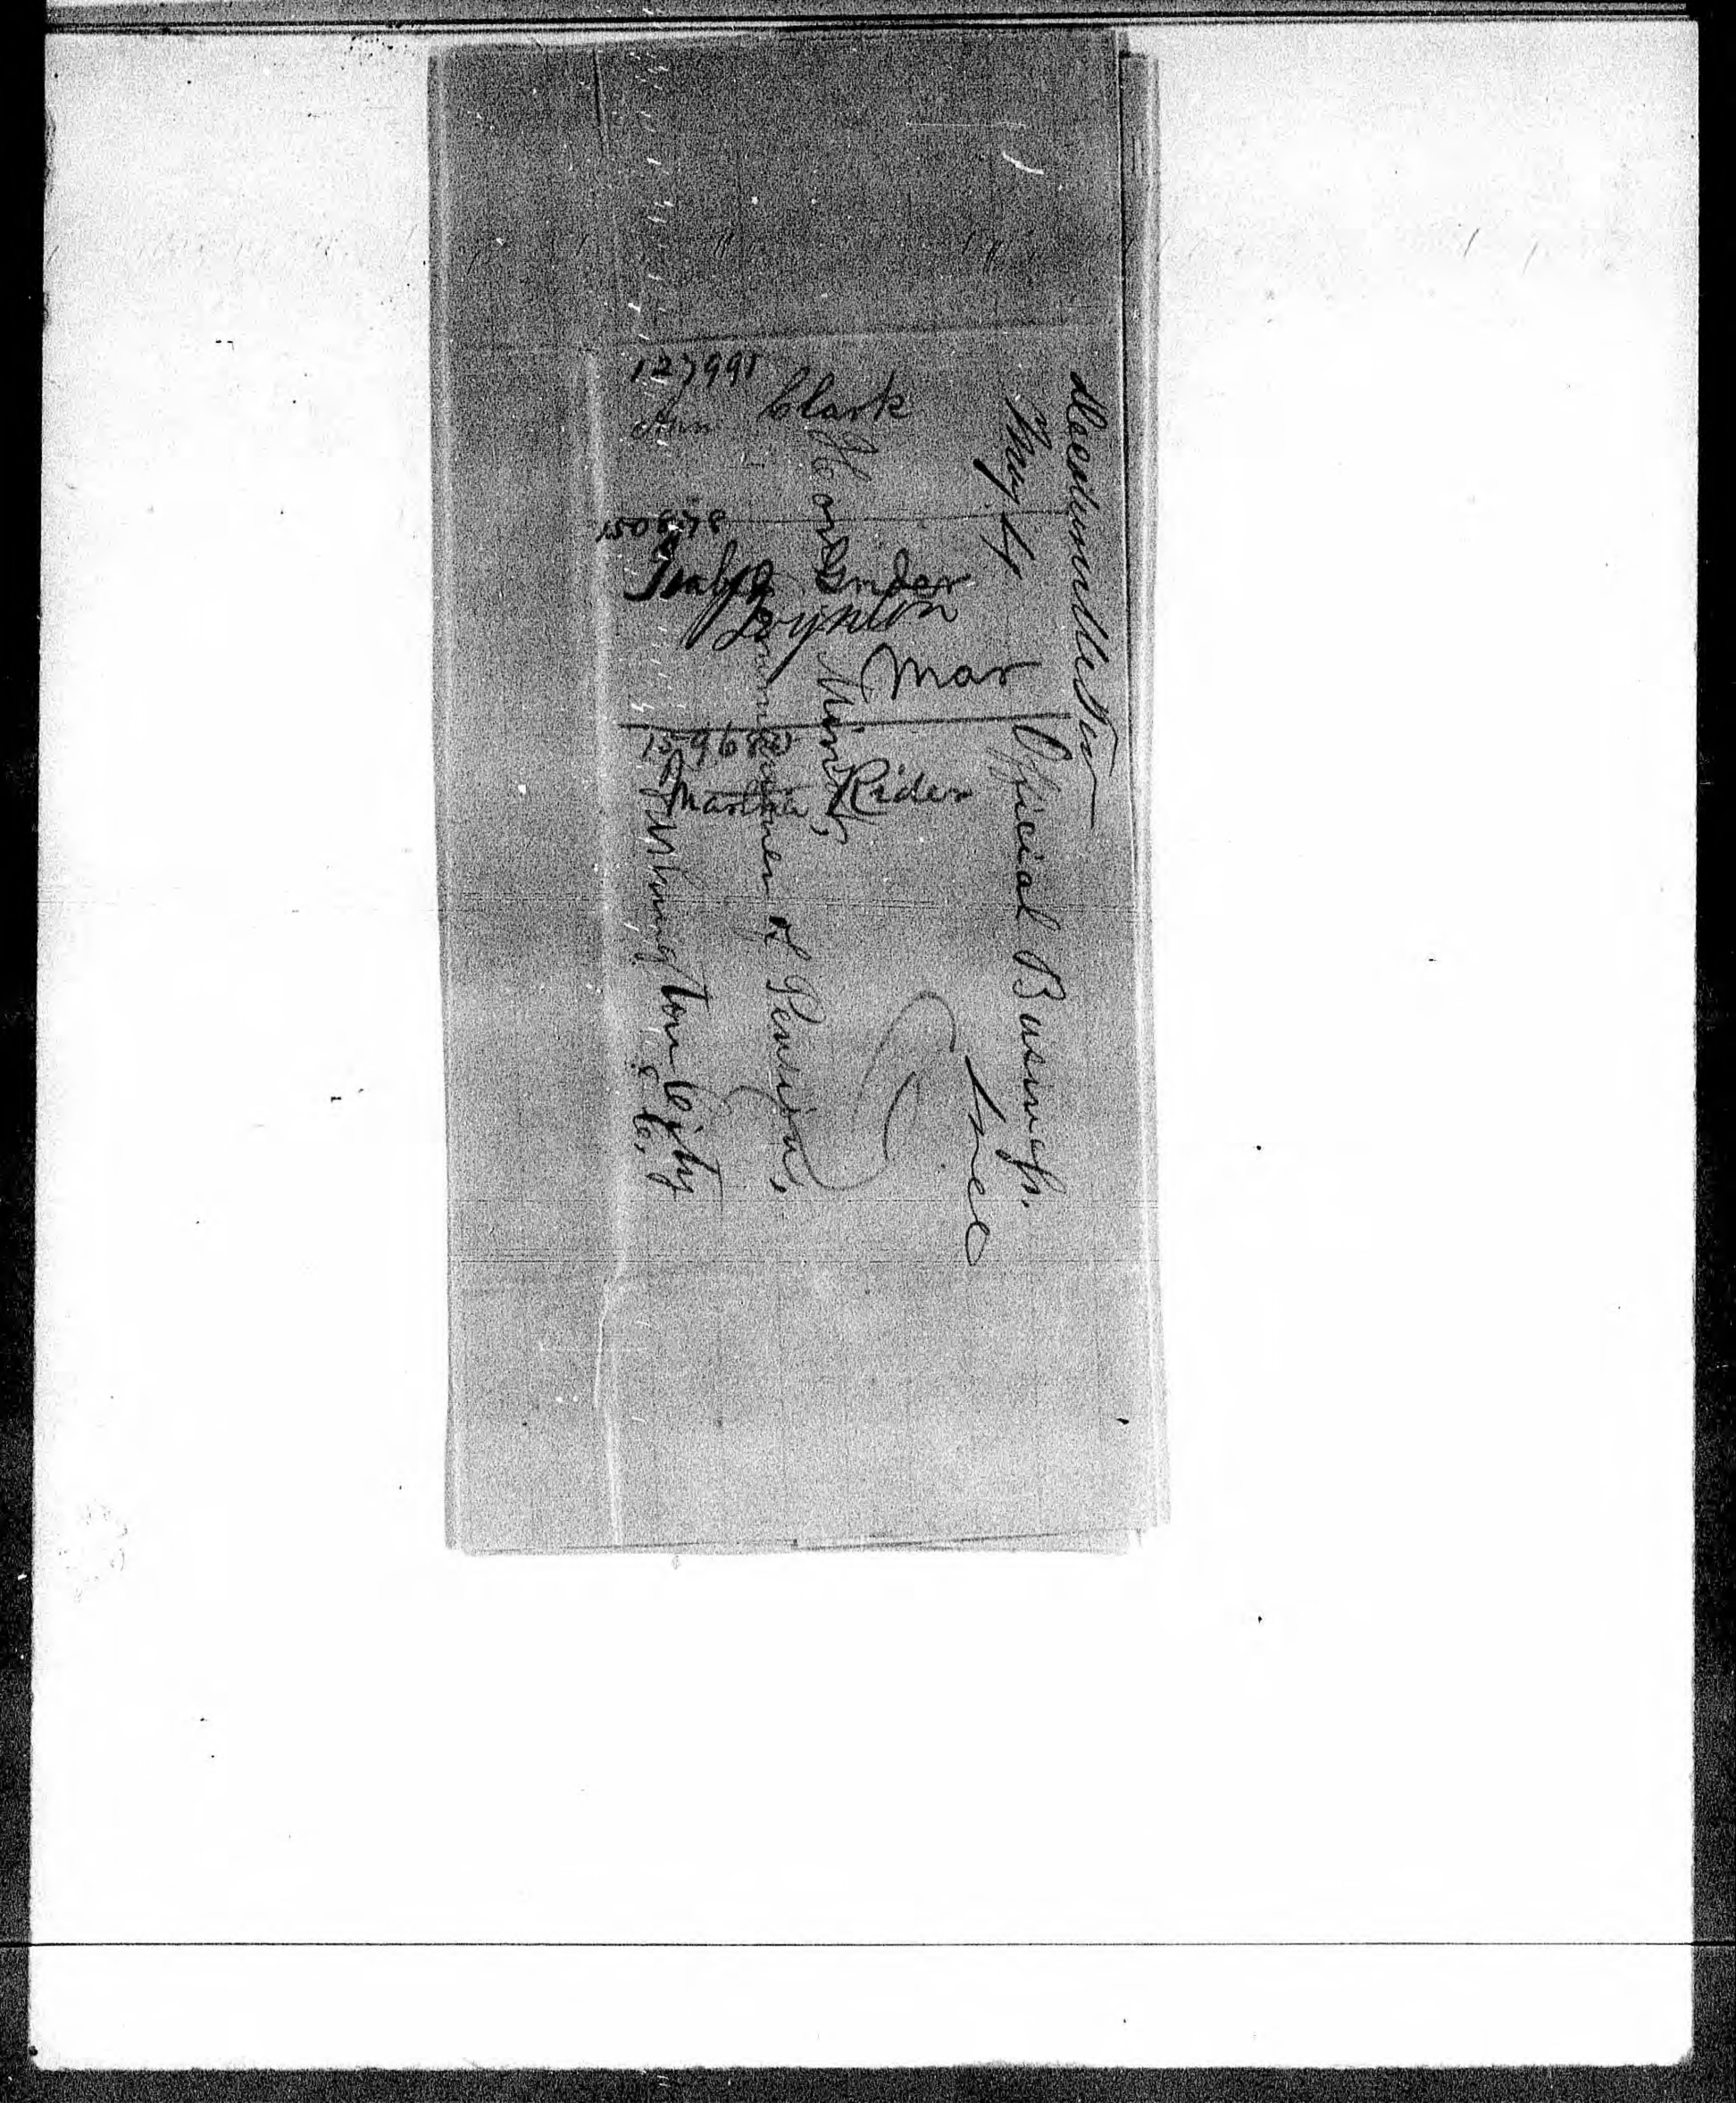127991
Ann Clark

150878
Isabel Grider
Boynton
Mar

159680
Martha Rider


Official Business 

Hon  [illegible]
Commissioner of Pensions
Washington  City
D.C.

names: J Minot, Martha Rider, Isabel Grider, Ann Clark, Boynton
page: 80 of 91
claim: widow's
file: W 358, John Grider, N.C.